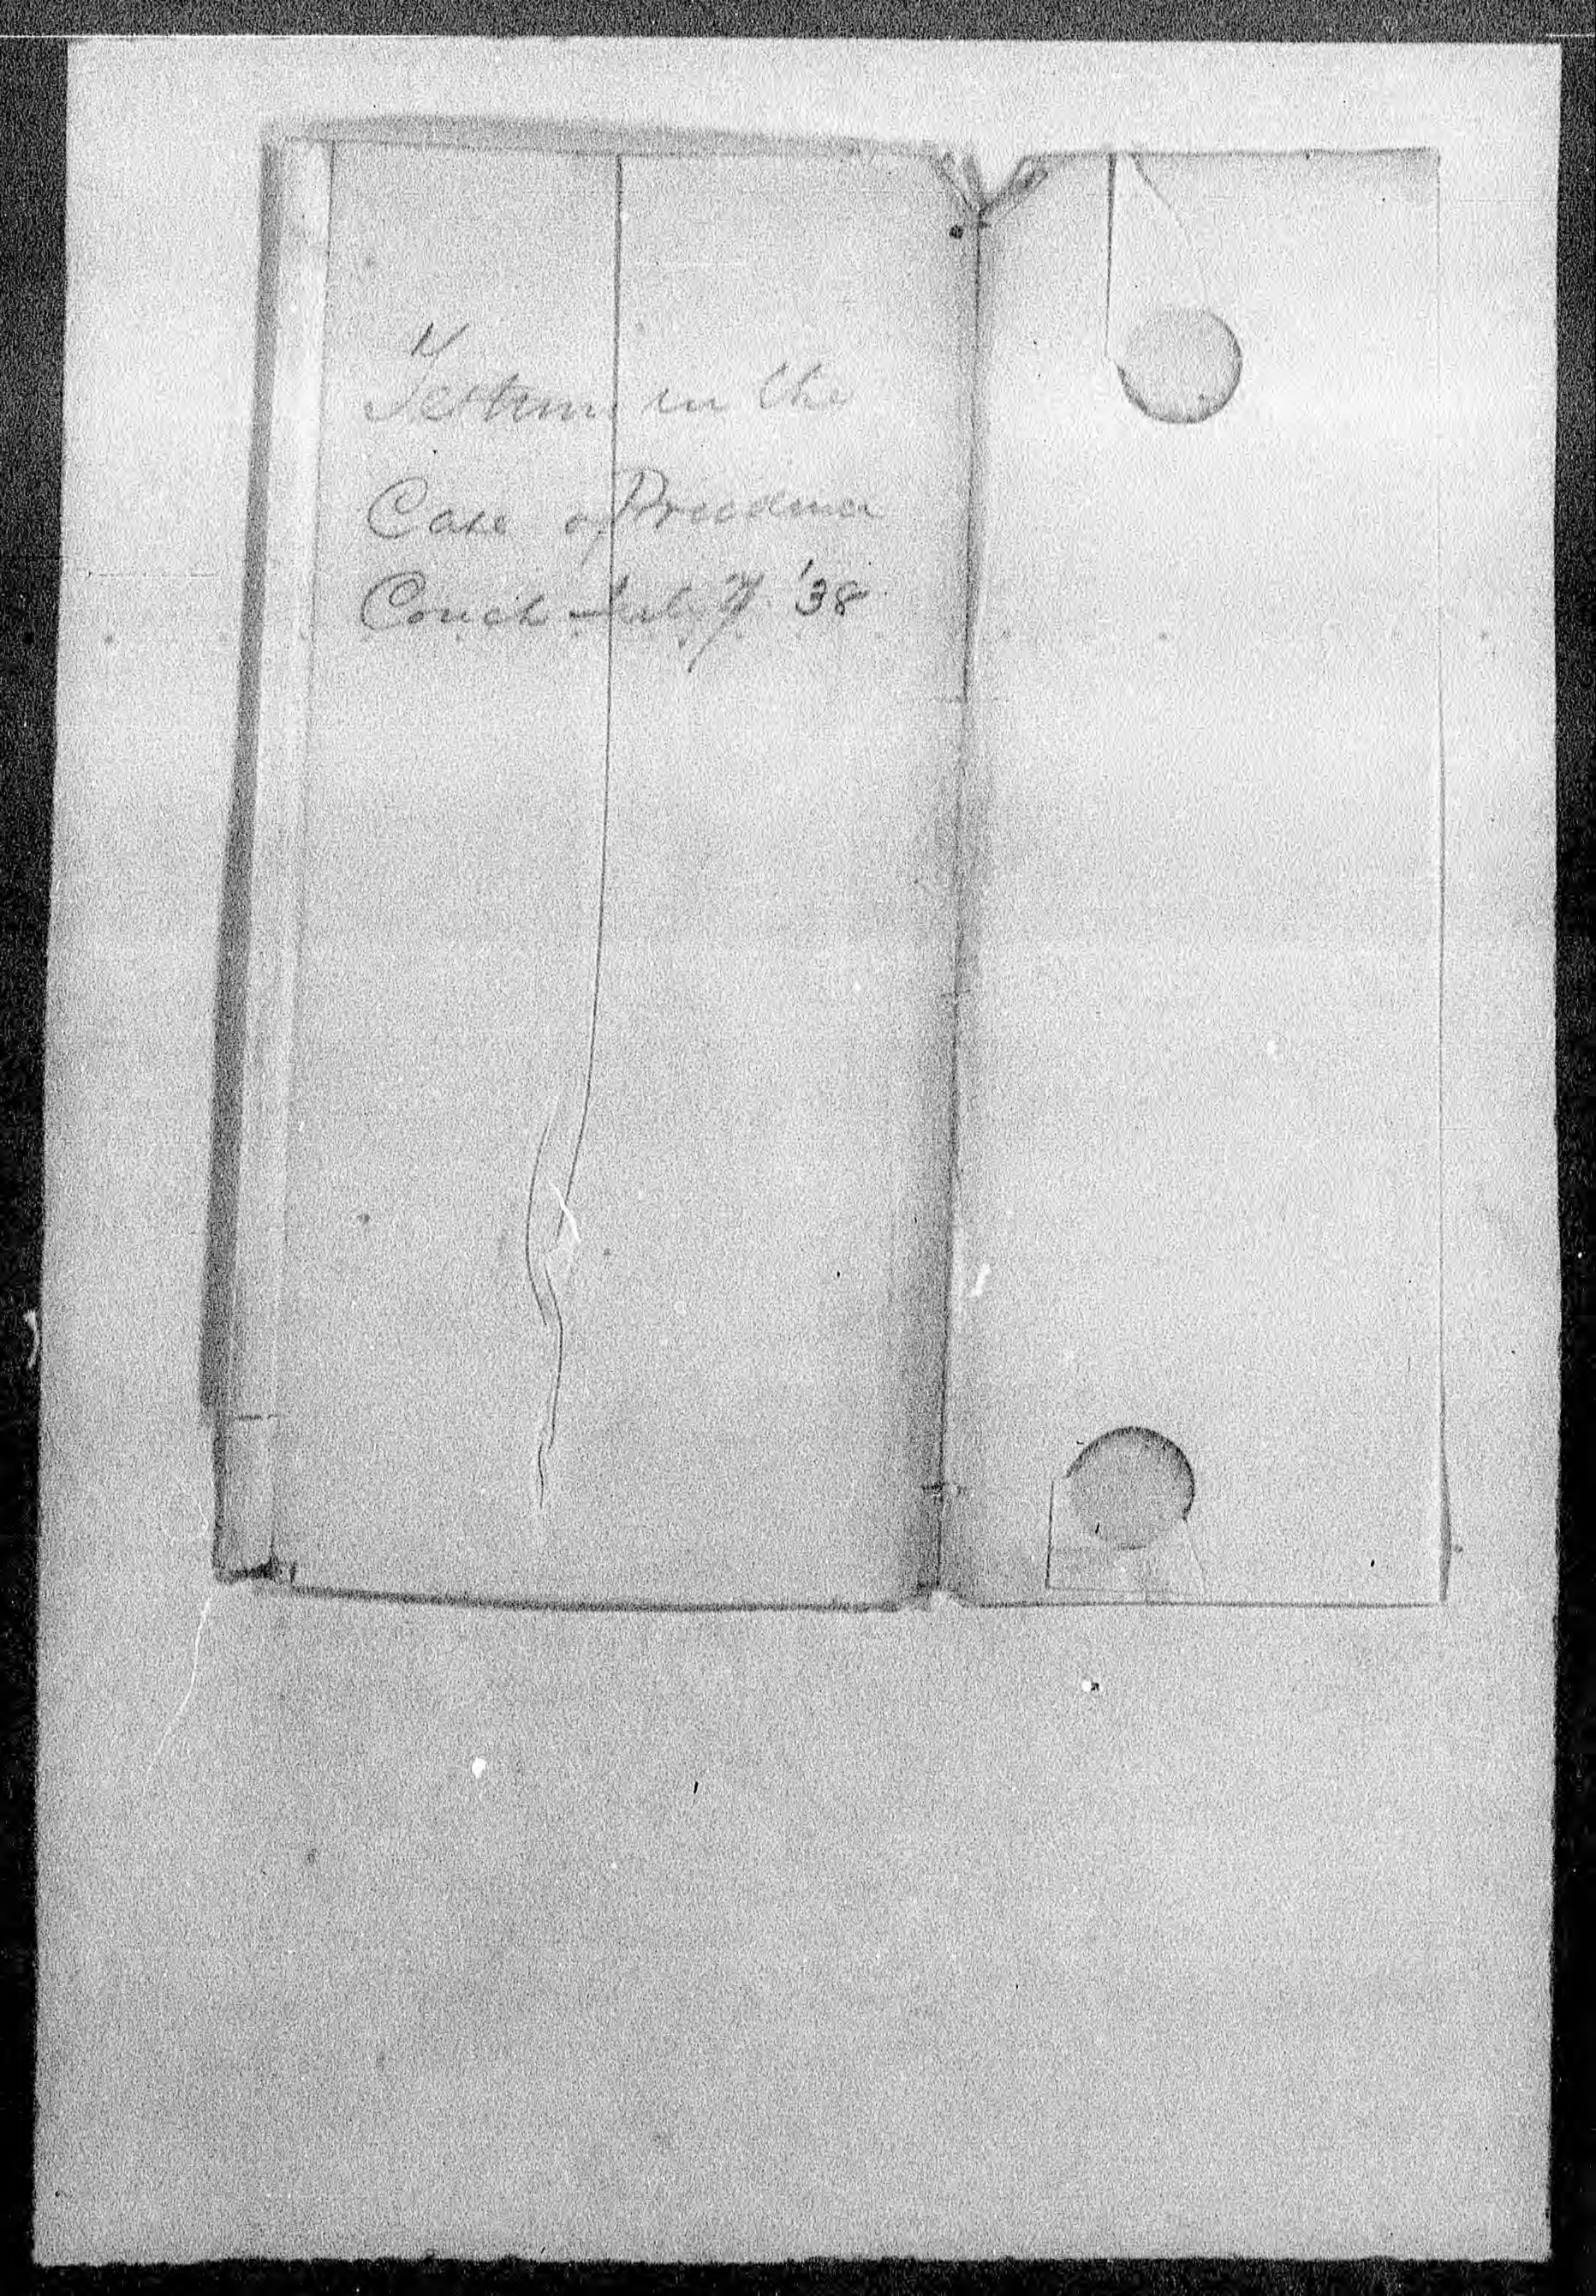Testim in the Case of Prudence Couch July 7 '38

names: Prudence Couch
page: 35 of 68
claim: rejected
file: R. 2,360, John Couch, Conn.